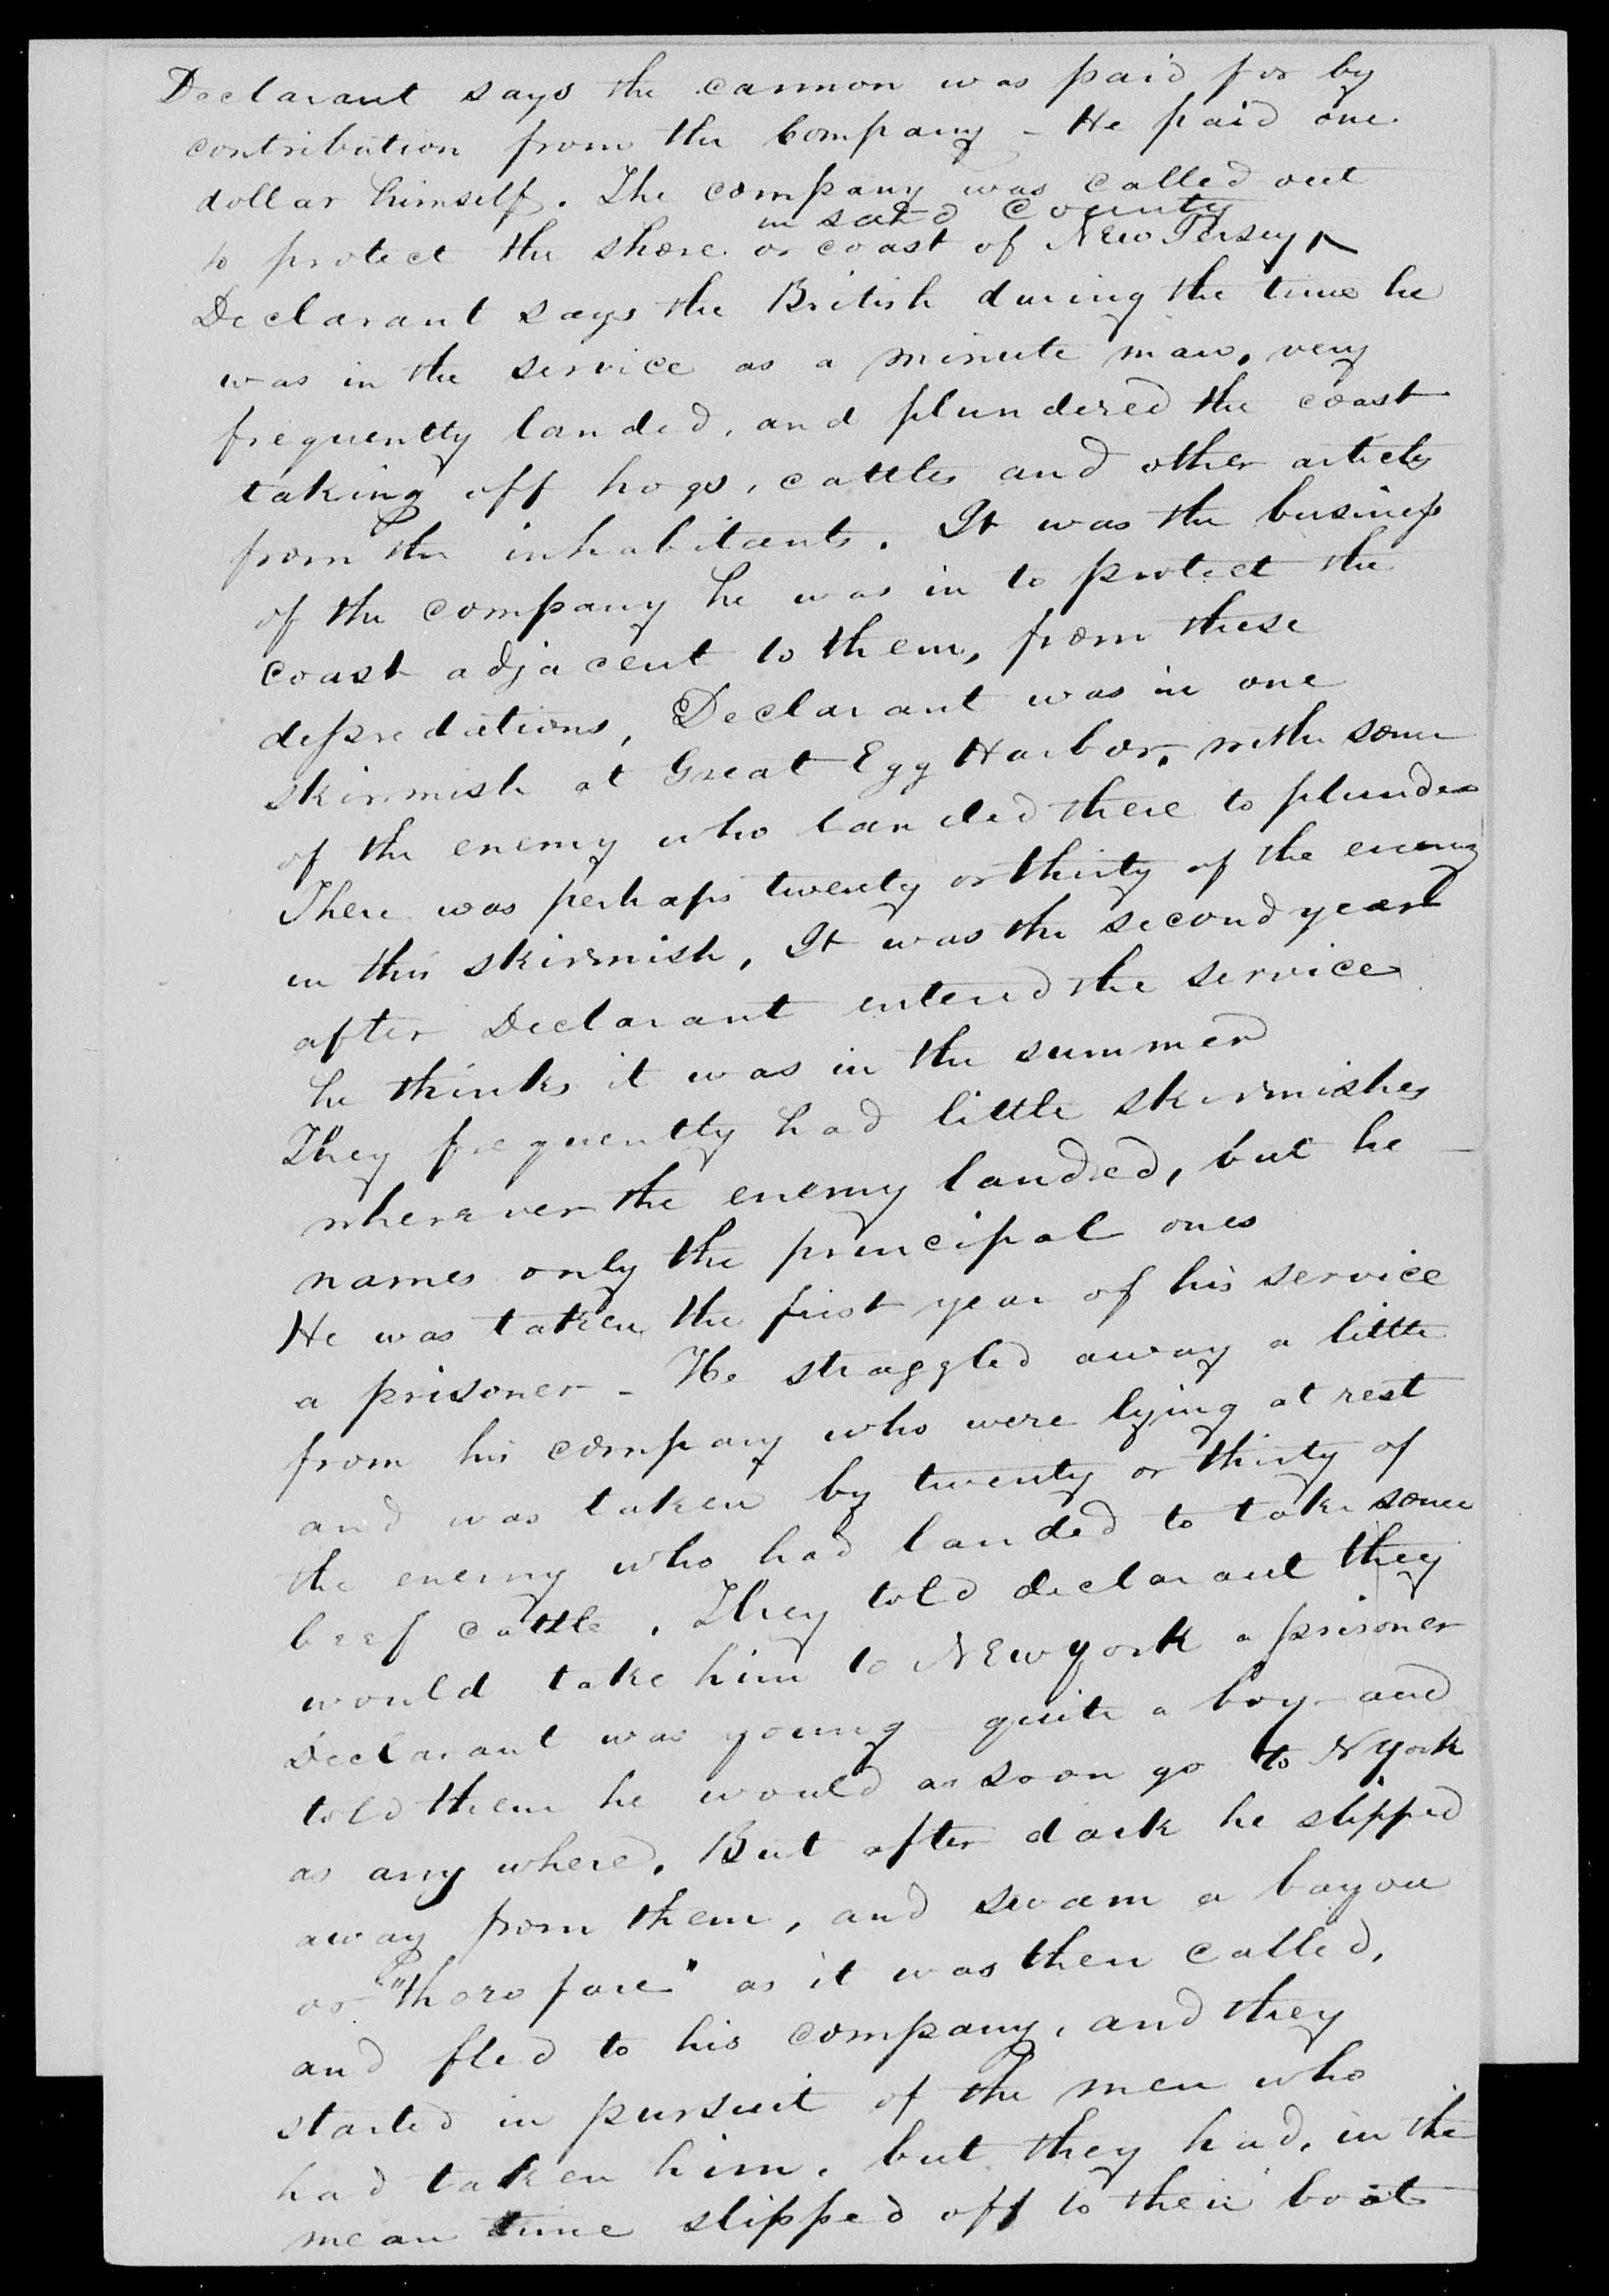Declarant says the common was paid for by contribution from the company. He paid one dollar himself. The company was called out to protect the shore or coast of New Jersey in [illegible] County Delcarant says the British during the time he was in the service as a minute man, very frequently landed, and plundered the coast taking off hogs, cattles and other articles from the inhabitants. It was the business of the company he was in to protect the coast adjacent to them, from these depredictions, Delcarant was in one skirmish at Great Egg Harbor with some of the enemy who landed there to plunder There was perhaps twenty or thirty of the enemy in this skirmish. It was the second year after Declarant entered the service he thinks it was in the summer.

They frequently had little skirmishes wherever the enemy landed, but he names only the principal ones He was taken the first year of his service a prisoner He straggled away a little from his company who were lying at rest and was taken by twenty or thirty of the enemy who had landed to take some beef cattle. They told declarant they would take him to New York a prisoner Declarant was young quite a boy and told them he would as soon go to N York as anywhere. But after dark he slipped away from them, and [illegible] a bayou or "thorofare" as it was then called, and fled to his company, and they started in pursuit of the men who had taken him, but they had, in the meantime slopped off to their boat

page: 4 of 38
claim: survivor's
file: S 31817, for James Leeds, New Jersey